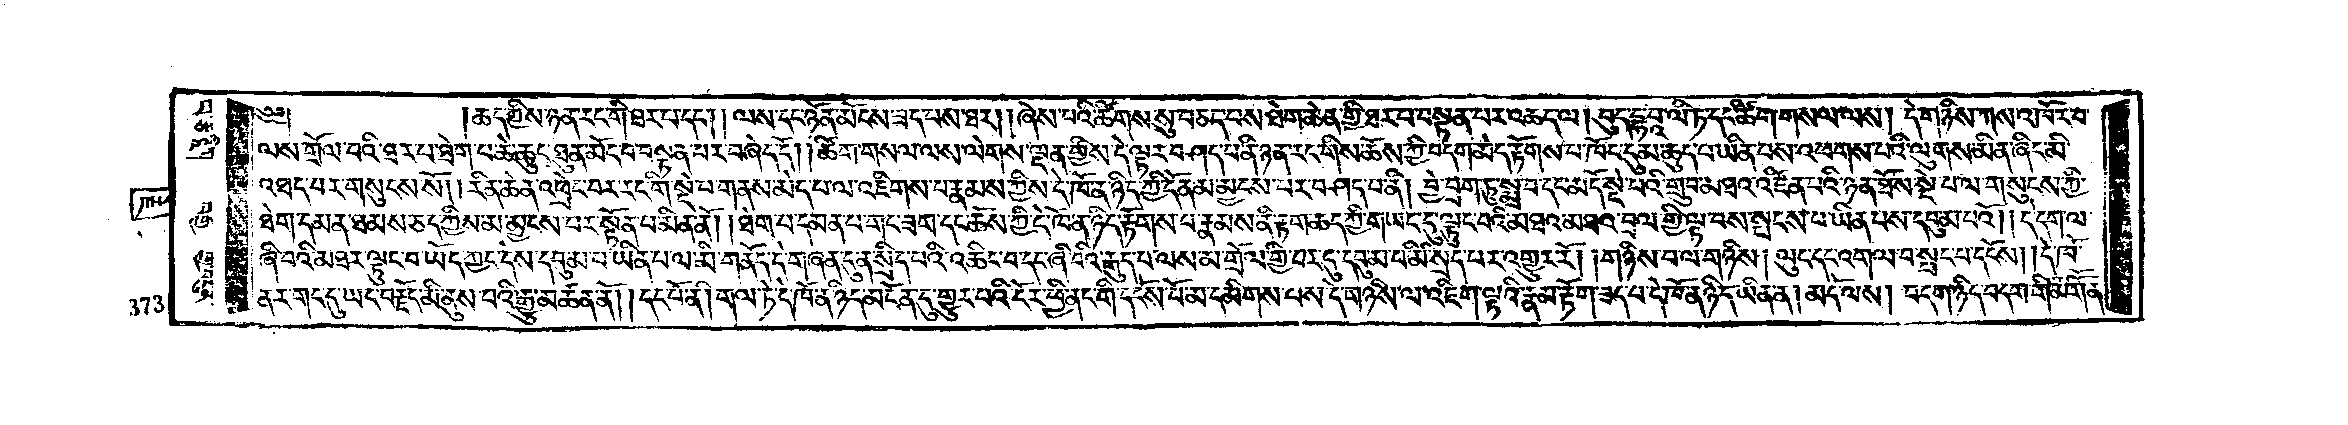༄༅། །ཆད་ཀྱིས་ཉན་རང་གི་ཐར་པ་དང་། །ལས་དང་ཉོན་མོངས་ཟད་པས་ཐར། །ཞེས་པའི་ཚིགས་སུ་བཅད་པས་ཐེག་ཆེན་གྱི་ཐར་བ་བསྟན་པར་འཆད་ལ། བུདྡྷ་པཱ་ལི་ཏ་དང་ཚིག་གསལ་ལས། དེ་གཉིས་ཀས་འཁོར་བ་
ལས་གྲོལ་བའི་ཐར་པ་ཐེག་པ་ཆེ་ཆུང་ཐུན་མོང་བ་བསྟན་པར་བཞེད་དོ། །ཚིག་གསལ་ལས་ལེགས་ལྡན་གྱིས་དེ་ལྟར་བཤད་པ་ནི་ཉན་རང་གིས་ཆོས་ཀྱི་བདག་མེད་རྟོགས་པ་ཁོང་དུ་མ་ཆུད་པ་ཡིན་པས་འཕགས་པའི་ལུགས་མིན་ཞིང་མི་
འཐད་པར་གསུངས་སོ། །རིན་ཆེན་འཕྲེང་བར་རང་གི་སྡེ་པ་གནས་མེད་པ་ལ་འཇིགས་པ་རྣམས་ཀྱིས་དེ་ཁོ་ན་ཉིད་ཀྱི་དོན་མ་མྱངས་པར་བཤད་པ་ནི། བྱེ་བྲག་ཏུ་སྨྲ་བ་དང་མདོ་སྡེ་པའི་གྲུབ་མཐའ་འཛིན་པའི་ཉན་ཐོས་སྡེ་པ་ལ་གསུངས་ཀྱི་
ཐེག་དམན་ཐམས་ཅད་ཀྱིས་མ་མྱངས་པར་སྟོན་པ་མིན་ནོ། །ཐེག་པ་དམན་པ་གང་ཟག་དང་ཆོས་ཀྱི་དེ་ཁོ་ན་ཉིད་རྟོགས་པ་རྣམས་ནི་རྟག་ཆད་ཀྱི་གཡང་དུ་ལྟུང་བའི་མཐའ་མཐའ་བྲལ་གྱི་ལྟ་བས་སྤངས་པ་ཡིན་པས་དབུ་མ་པའོ། །དེ་དག་ལ་
ཞི་བའི་མཐར་ལྟུང་བ་ཡོད་ཀྱང་དེས་དབུ་མ་པ་ཡིན་པ་ལ་མི་གནོད་དེ་གཞན་དུ་ན་སྲིད་པའི་འཆིང་བ་དང་ཞི་བའི་རྒུད་པ་ལས་མ་གྲོལ་གྱི་བར་དུ་དབུ་མ་པ་མི་སྲིད་པར་འགྱུར་རོ། །གཉིས་པ་ལ་གཉིས། ལུང་དང་འགལ་བ་སྤང་བ་དངོས། །དེ་ཁོ་
ནར་གང་དུ་ཡང་བརྗོད་མི་ནུས་པའི་རྒྱུ་མཚན་ནོ། །དང་པོ་ནི། གལ་ཏེ་དེ་ཁོ་ན་ཉིད་མངོན་དུ་གྱུར་པའི་ངོར་ཕྱི་ནང་གི་དངོས་པོ་མ་དམིགས་པས་དེ་གཉིས་ལ་འཇིག་ལྟའི་རྣམ་རྟོག་ཟད་པ་དེ་ཁོ་ན་ཉིད་ཡིན་ན། མདོ་ལས། བདག་ཉིད་བདག་གི་མགོན་